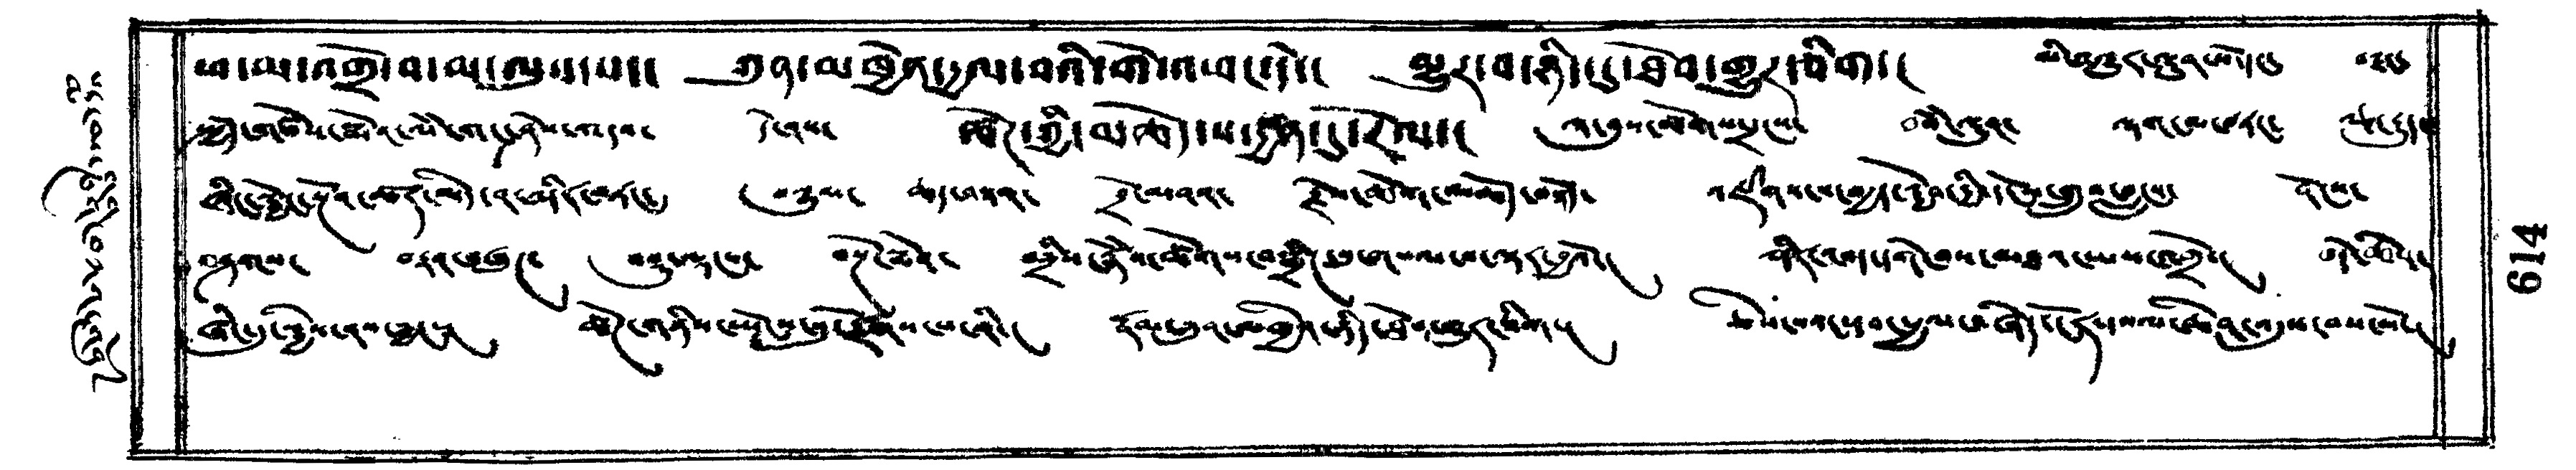།ཕ་མ་འགྲོ་བ་མ་ལུས་པ། །ཀུན་མཁྱེན་རྒྱལ་བའི་གོ་འཕང་དེ། །མྱུར་བ་ཉིད་དུ་ཐོབ་གྱུར་ཅིག མི་འགྱུར་ལྷུན་པོ༴ དང་། བཟང་
སྤྱོད་གཙོས་སྨོན་ལམ་གང་ཤེས་གདབ། དེ་ནས། ཚོགས་ཀྱི་མཆོད་པ་རྒྱན་དུ་རོལ། ལྟ་བུས་ཚོགས་དྲང་། བསམ་ལྷུན། ལྷག་མ་གཏང་། རྩ་རྒྱུད་
ཞིང་སྐྱོང་སྔོན་ཚར་མེད་ན་འདིར་གཏང་། བསྐུལ། ཆད་བསྟན། བྲོ་མནན། རྗེས་ཆོག་མཆོད་བསྟོད། འཇིགས་པ་བརྒྱད་སྐྱོབ་ཀྱི་དངོས་གྲུབ་བླང་། ནོངས་
བཤགས། བརྟན་བཞུགས། བསྡུ་ལྡང་། བསྔོ་སྨོན། བཀྲ་ཤིས་རྣམས་ཆོག་བསྒྲིགས་སུ་གསལ་བར་ལྟར་བྱའོ།། འདིར་འབད་དགེ་བས་མཐའ་ཡས་འགྲོ། །བདེ་ཆེན་
ཞིང་དུ་སྐྱེས་ནས་ཀྱང་། །ཚོགས་གཉིས་ཡོངས་སུ་རྫོགས་པ་ནི། །རྣམ་ཀུན་མཁྱེན་ཉིད་ཐོབ་གྱུར་ཅིགཅེས་པའང་དབང་རྒྱལ་བཞེད་ངོར་དཔལ་ཆེན་འདུས་བས་སོ།། དགེའོ།།